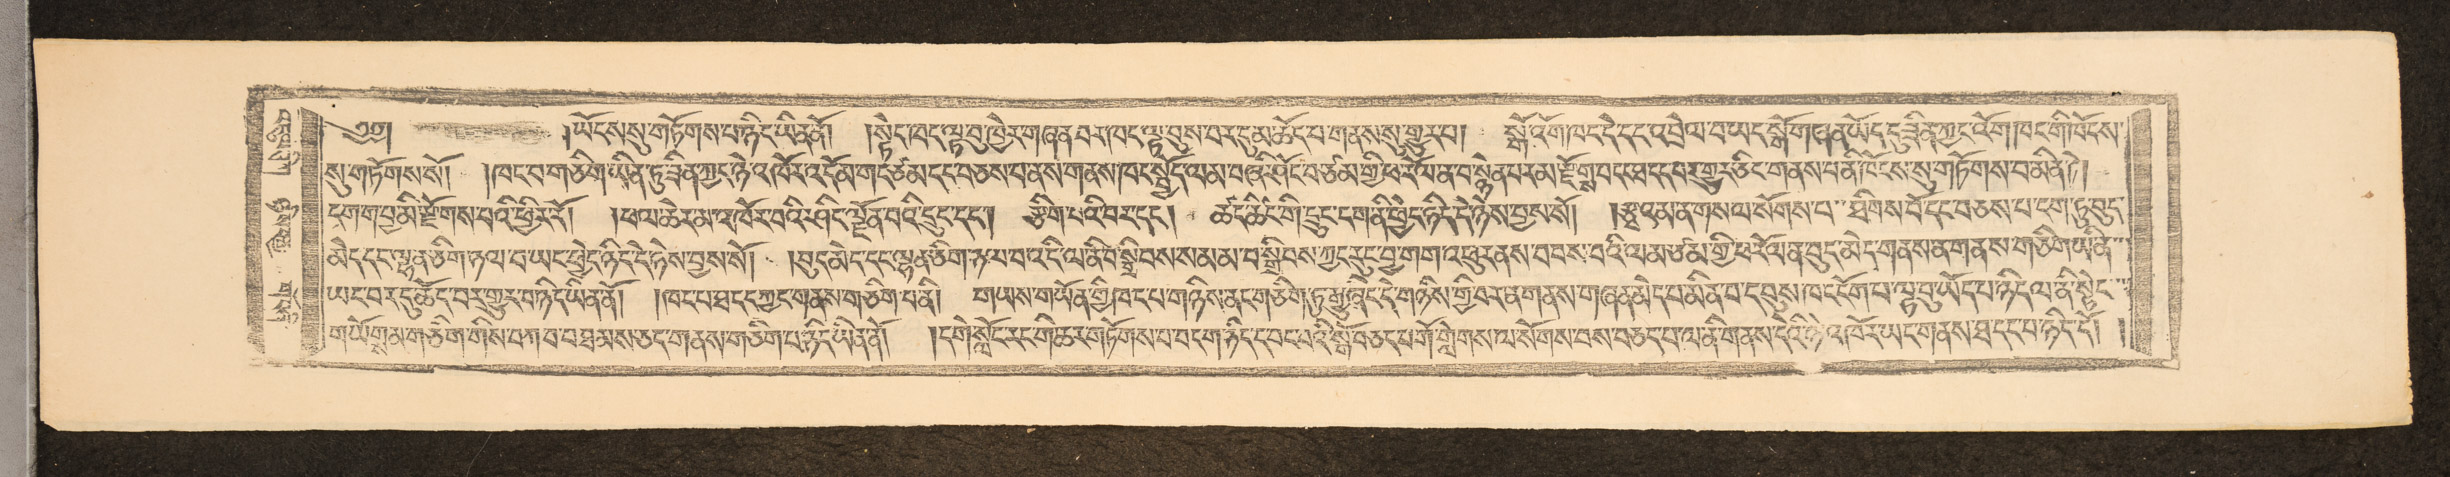༄༅། །ཁོངས་སུ་གཏོགས་པ་ཉིད་ཡིན་ནོ། །སྟེང་ཁང་ལྟ་བུ་ཁྱེར་གཞན་བར་ཁང་ལྟ་བུས་བར་དུ་མཆོད་པ་གནས་སུ་གྱུར་བ། སྒོ་འོག་ཁང་དེ་དང་འབྲེལ་བ་ཡང་སྒོ་གཞན་ཡོད་དུ་ཟིན་ཀྱང་འོག་ཁང་གི་ཁོངས་
སུ་གཏོགས་སོ། །ཁང་པ་གཅིག་ཡིན་ཏུ་ཟིན་ཀྱང་ཉེ་འཁོར་འདོམ་གང་ཙམ་དང་བཅས་པ་ནས་གནས་ཁང་སྤྱོད་ལམ་བཞི་ཤོང་བ་ཙམ་གྱི་ཕ་རོལ་ན་བསྙེན་པར་མ་རྫོགས་པ་དང་ཐ་དད་པར་གྱུར་ཅིང་གནས་པ་ནི་ཁོངས་སུ་གཏོགས་པ་མིན་ཏེ།
དགག་བྱ་མི་རྫོགས་པའི་ཕྱིར་རོ། །ཕལ་ཆེར་མ་འཁོར་བའི་ཤིང་ལྗོན་པའི་དྲུང་དང་། རྩིག་པའི་བར་དང་། ཚང་ཚིང་གི་དྲུང་དག་ནི་ཕྱེད་ཉིད་དེ་ཉེས་བྱས་སོ། །རྩྭའམ་ན་གསལ་སོགས་པ་ཐིབས་པོ་དང་བཅས་པ་དག་ཏུ་བུད་
མེད་དང་ལྷན་ཅིག་ཉལ་བ་ཡང་ཕྱེད་ཉིད་དེ་ཉེས་བྱས་སོ། །བུད་མེད་དང་ལྷན་ཅིག་ཉལ་བ་འདི་ལ་ནི་བསྒྲིབས་སམ་མ་བསྒྲིབས་ཀྱང་དུང་བྱ་གག་འཕུར་ནས་བབས་པའི་ལམ་ཙམ་གྱི་ཕ་རོལ་ན་བུད་མེད་གནས་ན་གནས་གཅིག་ཡིན་
ཡང་བར་དུ་ཆོད་བར་གྱུར་པ་ཉིད་ཡིན་ནོ། །ཁང་པ་ཐ་དད་ཀྱང་གནས་གཅིག་པ་ནི། གཡས་གཡོན་གྱི་ཁང་པ་གཉིས་ནང་གཅིག་ཏུ་རྒྱུ་ཞིང་དེ་གཉིས་ཀྱི་བར་ན་གནས་གཞན་མེད་པ་མིན་པ་དབུས་ཁང་དོག་པ་ལྟ་བུ་ཡོད་པ་ཉིད་ལ་ནི་སྟེང་
གཡོགས་མ་གཅིག་གིས་བཀབ་བ་ཐམས་ཅད་གནས་གཅིག་པ་ཉིད་ཡིན་ནོ། །དགེ་སློང་རང་གི་ཆར་གཏོགས་པ་བདག་ཉིད་དབང་བའི་སློ་བཅད་པ་སྒོ་གླེགས་ལ་སོགས་བས་བཅད་པ་ལ་ནི་གནས་དེའི་ཉེ་འཁོར་ཡང་གནས་ཐ་དད་པ་ཉིད་དོ། །